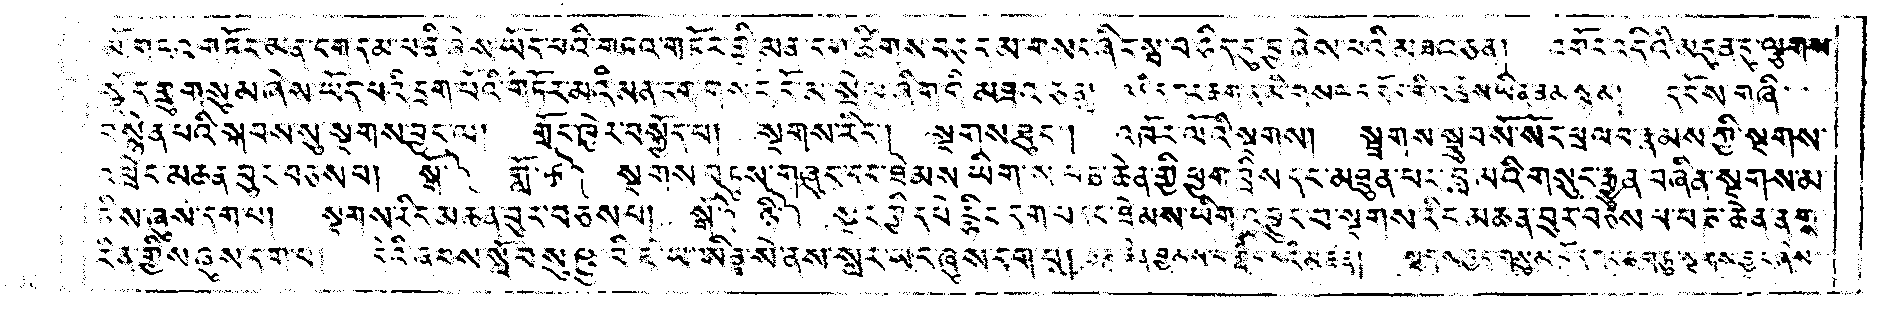མོ་གཏའ་གཏོར་མན་ངག་དམ་པ་ནི་ཞེས་ཡོད་པའི་གཏའ་གཏོར་གྱི་མན་ངག་ཚིགས་བཅད་མ་གསང་ཞིང་སྦ་བ་ཉིད་དུ་བྱ་ཞེས་པའི་མཐའ་ཅན། འགོར་འདིའི་མདུན་དུ་ལྕགས་
སྣོད་གྲུ་གསུམ་ཞེས་ཡོད་པའི་དྲག་པོའི་གཏོར་མའི་མན་ངག་གསང་ངོ་མ་སྤེལ་ཞིག་གི་མཐའ་ཅན། འདི་དཀར་ཆག་ན་མི་གསལ་བ་གོང་གི་འཕྲོས་ཡིན་ནམ་སྙམ།  དངོས་གཞི་
བསྙེན་པའི་སྐབས་སུ་སྔགས་བྱང་ལ། གྲོང་ཁྱེར་བསྐྱོད་པ། སྔགས་རིང་། སྔགས་ཐུང་། འཁོར་ལོའི་སྔགས། སྦྲགས་སྒྲུབ་སོ་སོར་ཕྲལ་བ་རྣམས་ཀྱི་སྔགས་
འཕྲེང་མཆན་བུར་བཅས་པ། སྒ྄ོ་གློ~྾?་སྔགས་བཏུས་གཞུང་དང་ཐེམས་ཡིག་ས་པཎ་ཆེན་གྱི་ཕྱག་བྲིས་དང་མཐུན་པར་བླ་མའི་གསུང་རྒྱུན་བཞིན་སྔགས་མ་
ཏིས་ཞུས་དག་པ། སྔགས་རིང་མཆན་བུར་བཅས་པ། སྒ྄ོ་ཉ྄ི་སྔར་གྱི་དཔེ་རྙིང་དག་པ་དང་ཐེམས་ཡིག་ནས་འབྱུང་བ་སྔགས་རིང་མཆན་བུར་བཅས་པ་པཎ་ཆེན་ནགས་
རིན་གྱིས་ཞུས་དག་པ། དེའི་ཞབས་སློབ་སུཥྱ་བི་ཛ་ཡ་ཨིནྜ་སེ་ནས་སླར་ཡང་ཞུས་དག་པ། པཎ་ཆེན་བྱམས་པ་གླིང་པའི་མཚན། སྔགས་བྱང་གསུམ་པོ་དཀར་ཆག་ཏུ་སྔགས་བྱང་ཞེས་